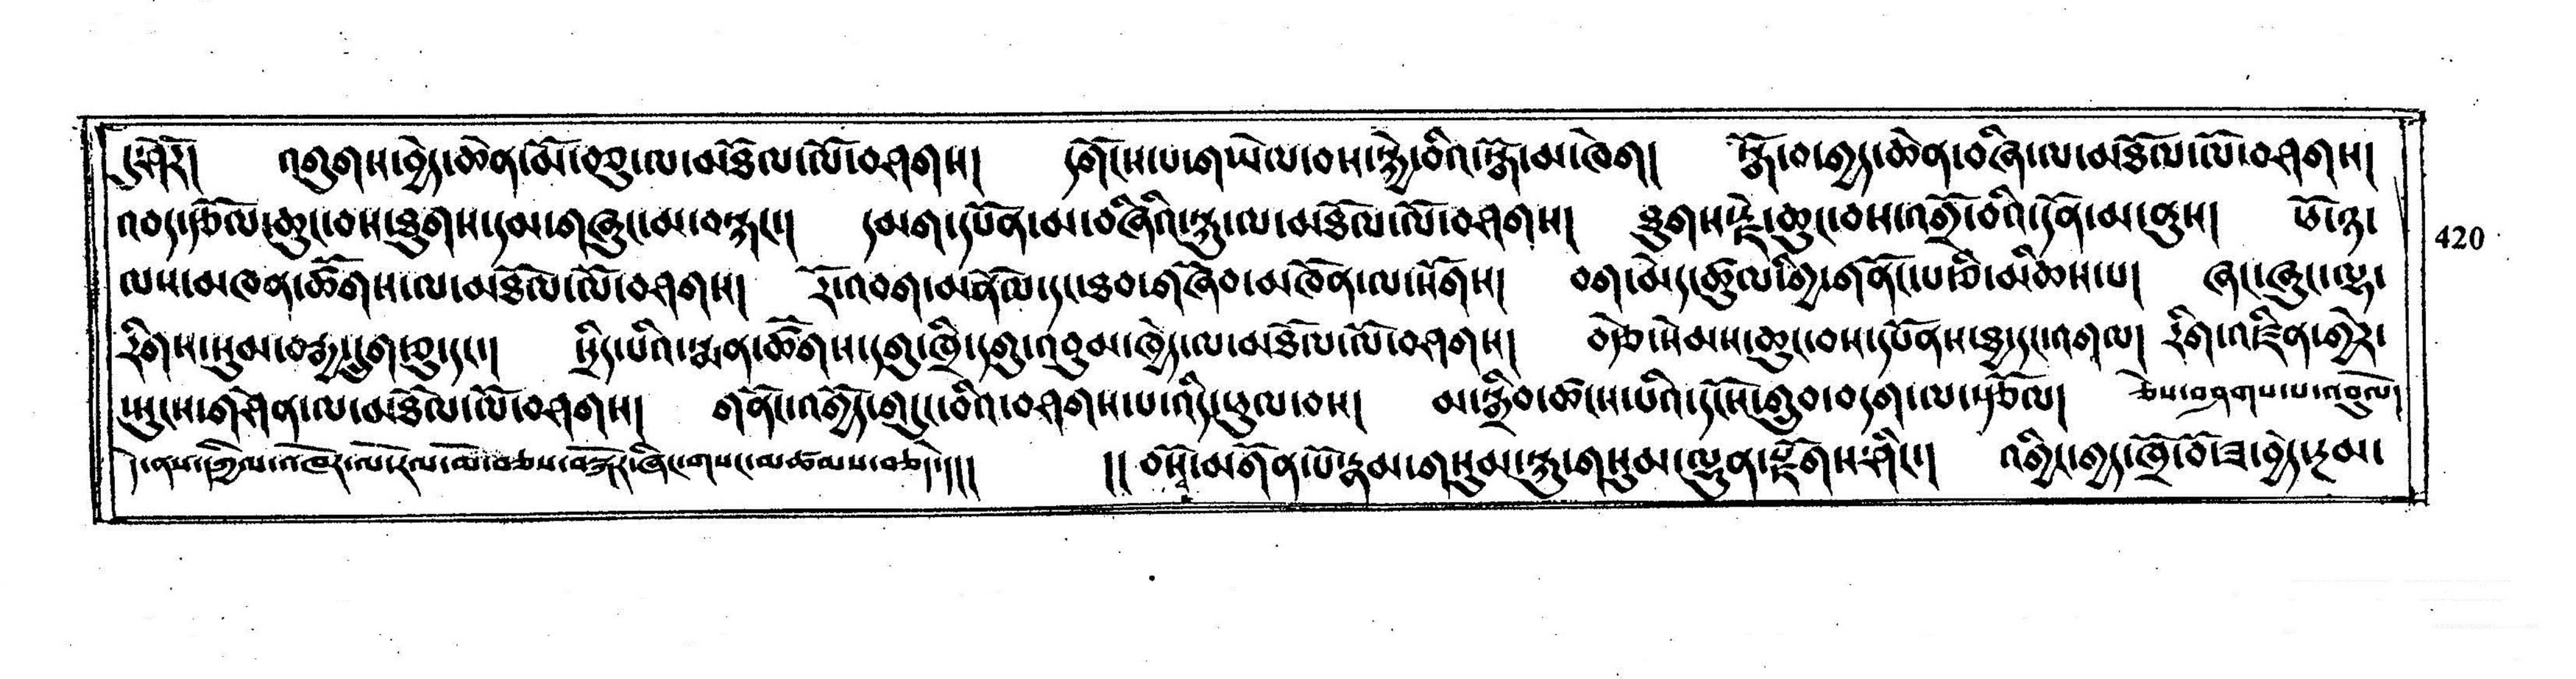དུ་ཤོར། འགུགས་བྱེད་ཆེན་མོ་བཅུ་ལ་མཐོལ་ལོ་བཤགས། དགོངས་{430}པ་གཡེལ་བས་སྐྱེ་བའི་སྒོ་མ་ཁེག སྒོ་བ་གྱད་ཆེན་བཞི་ལ་མཐོལ་ལོ་བཤགས། 
འབད་རྩོལ་ཆུང་བས་ཐུགས་དམ་གཞུང་མ་བསྐང་། དམག་དཔོན་མ་བཞིའི་སྐུ་ལ་མཐོལ་ལོ་བཤགས། ཐུགས་རྗེ་ཆུང་བས་འགྲོ་བའི་དོན་མ་ནུས། ཕོ་ཉ་
ལས་མཁན་ཚོགས་ལ་མཐོལ་ལོ་བཤགས། རོ་འབག་མནོལ་དང་ཐབ་གཞོབ་མཁོན་ལ་སོགས། བག་མེད་ཚུལ་གྱི་གནོང་པ་ཅི་མཆིས་པ། ཞང་ཞུང་ལྷ་
རིགས་སུམ་བརྒྱ་དྲུག་ཅུ་དང་། སྲིད་པའི་སྨན་ཚོགས་དགུ་ཁྲི་དགུ་འབུམ་ཁྱེད་ལ་མཐོལ་ལོ་བཤགས། བརྩེ་སེམས་ཆུང་བས་དཔོན་གསས་ཐུགས་དང་འགལ། རིག་འཛིན་གྱེར་
སྤུངས་གཤེན་ལ་མཐོལ་ལོ་བཤགས། གནོང་འགྱོད་གདུང་བའི་བཤགས་པ་འདི་ཕུལ་བས། མ་སྒྲིབ་ཚངས་པའི་དངོས་གྲུབ་བདག་ལ་སྩོལ། ཅེས་བཤགས་པ་འབུལ་ལོ། 
དེ་ནས་དཀྱིལ་འཁོར་ལ་རོལ་མོ་བཅས་བསྐོར་ཞིང་གསང་མཚམས་བཅད་དེ། །།བསྭོ་མགོན་པོ་རྣམ་གསུམ་སྐུ་གསུམ་ལྷུན་རྫོགས་ཤིང་། འགྱིང་གྱད་ཁྲོ་བོ་ཟ་བྱེད་རྔམ་